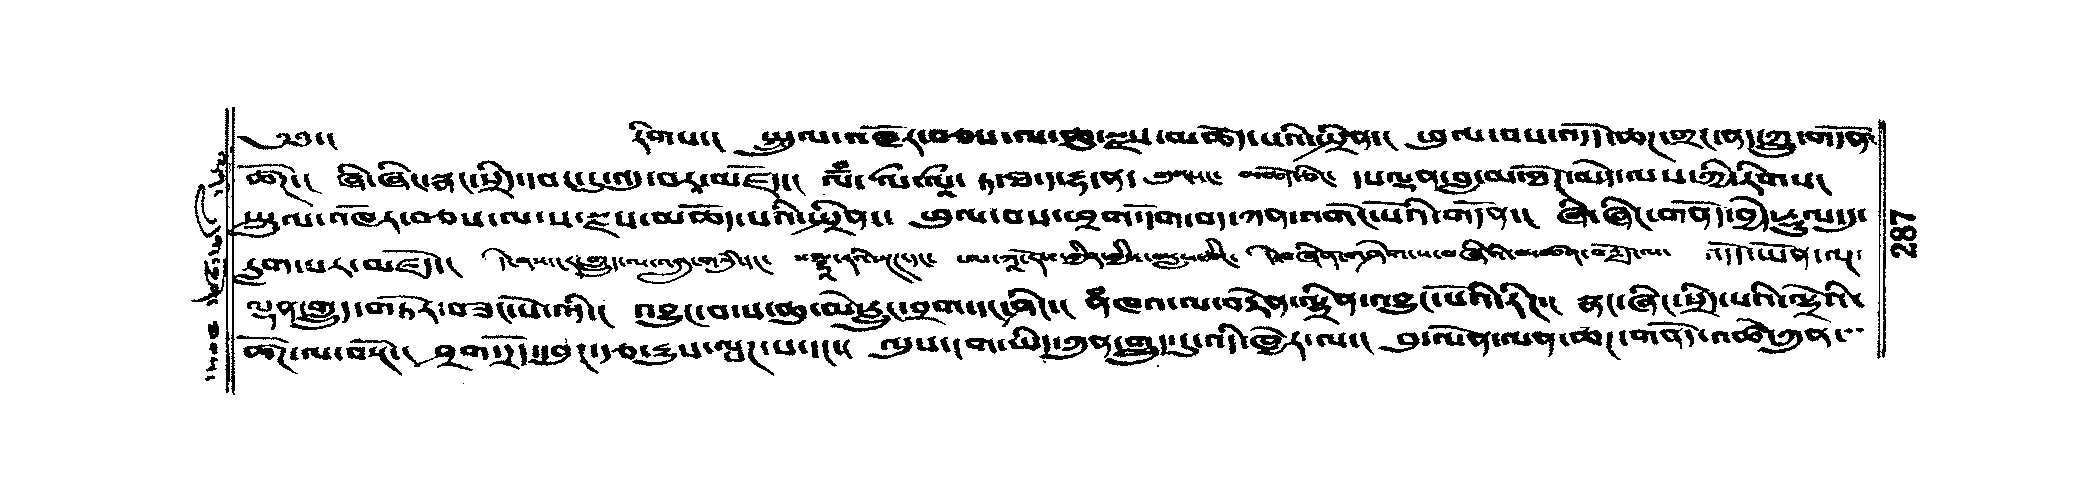རིགས། །སྤྲུལ་འཁོར་བཅས་ལ་ཆུ་རྫས་མཆོད་པའི་སྤྲིན། །ཕུལ་བས་འདོད་ཆགས་གྲང་ནད་ཀླུ་གདོན་
ཚོགས། །ཞི་ཞིང་སྣང་སྲིད་དབང་དུ་འདུ་བར་མཛོད། །ལྃ། ལྀ་ལཱྀ། ཏ་ཐ་ད་དྷ་ན། བདུན་དང་། མཆོད་ཅིང་། དཔལ་ལྡན་བླ་མ་ཐོགས་མེད་ལས་ཀྱི་རིགས། །
སྤྲུལ་འཁོར་བཅས་ལ་ས་རྫས་མཆོད་པའི་སྤྲིན། །ཕུལ་བས་ཕྲག་དོག་པད་ཀན་འགོང་པོའི་གདོན། །ཞི་ཞིང་གནོད་ཅིང་རྡུལ་དུ་
རླག་པར་མཛོད། ། དེ་ནས་ངར་གླུད་ལ་འབྲུ་གསུམ་དང་། སམྦྷཱ་རའི་སྔགས་དང་། ཨ་ཀཱ་རོས་བྱིན་གྱིས་བརླབ་ཅིང་། དེ་བཞིན་བཤེགས་པ་བཞིའི་མཚན་བརྗོད་ལ། འདོད་ཡོན་ལྔ་
ལྡན་གླུད་གཏོར་བཟང་པོ་འདི། །འབྱུང་བ་ས་ཆུ་མེ་རླུང་བྲག་དང་ཤིང་། །ནམ་མཁའ་ལ་བརྟེན་ལྷ་སྲིན་འབྱུང་པོའི་རིགས། །སྣང་ཞིང་སྲིད་པའི་ལྷ་འདྲེའི་
ཚོགས་ལ་བསྔོ་། ཤ་ཁྲག་དྲོད་དབུགས་རྩ་རྒྱུས་སྤགས་པ་དང་། ལུས་ངག་ཡིད་ཀུན་གླུད་དུ་འདི་ཁྱེར་ལ། །བུ་ལོན་ལན་ཆགས་གནོད་འཚེ་ཀུན་